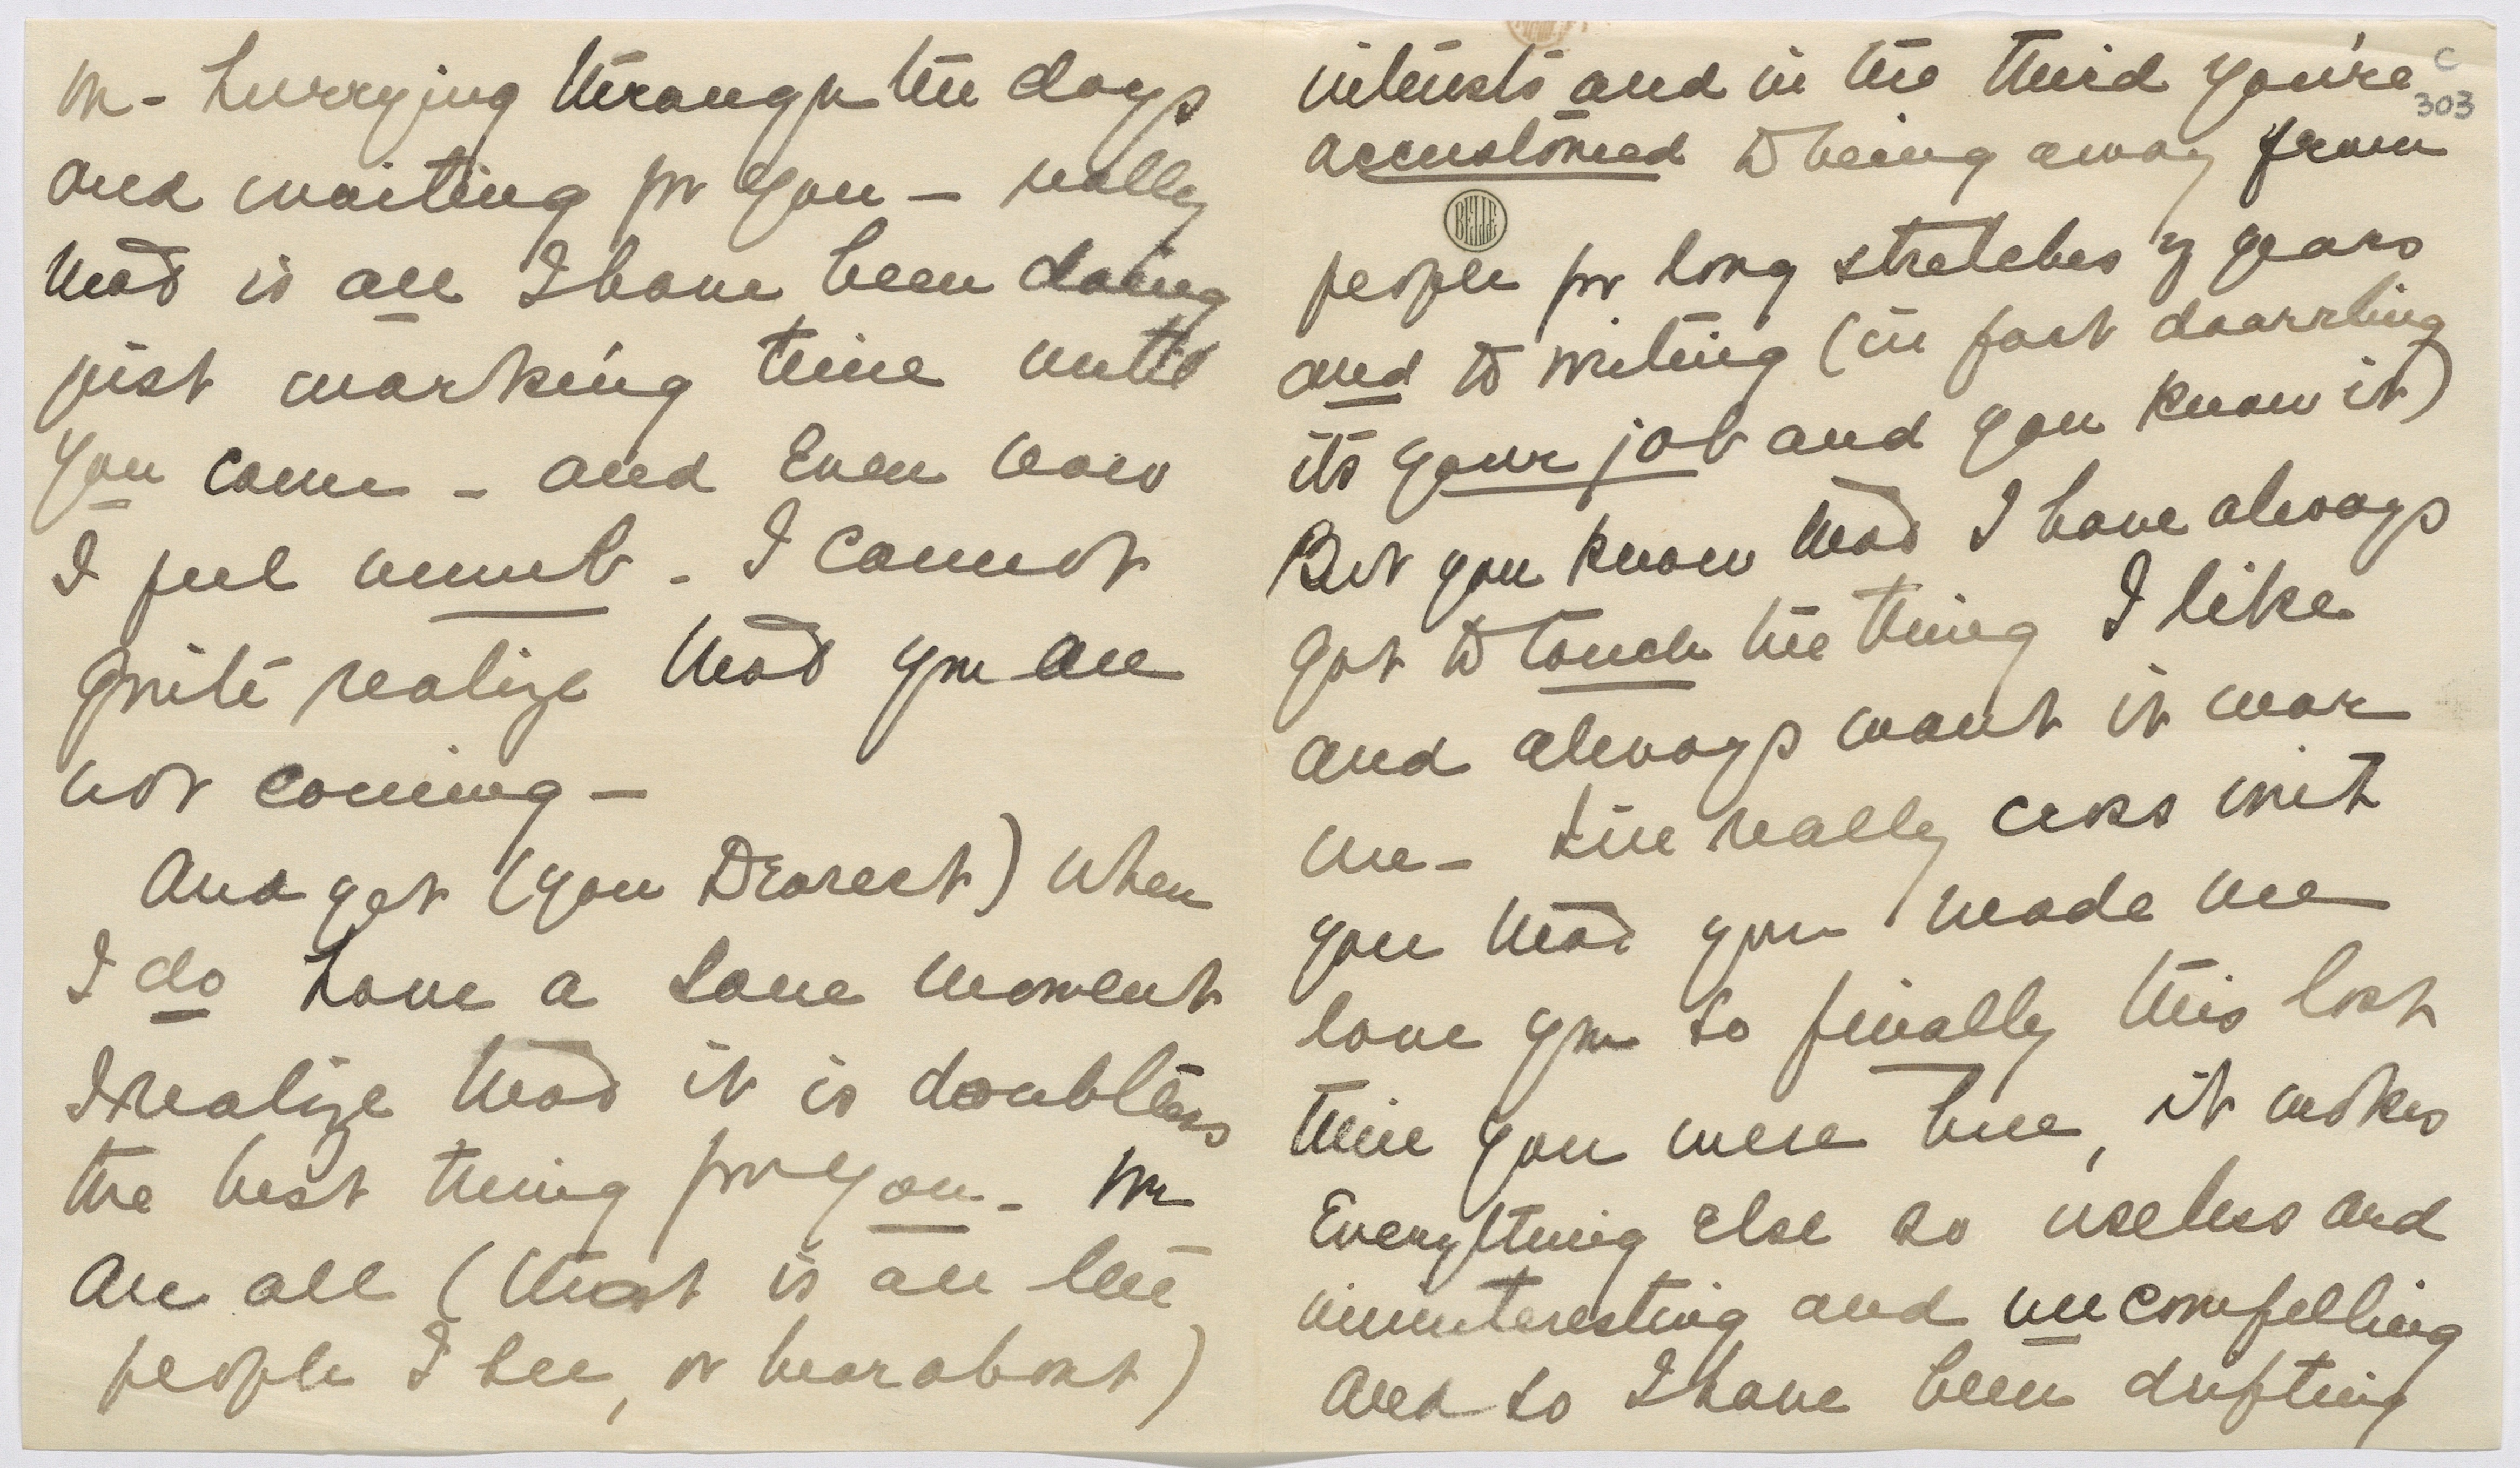on – hurrying through the days and waiting for you – really that is all I have been doing just marking time until you came – and even now I feel numb – I cannot quite realize that you are not coming –
And yet (you Dearest) when I do have a sane moment I realize that it is doubtless the best thing for you – We are all (that is all the people I see, or hear about)